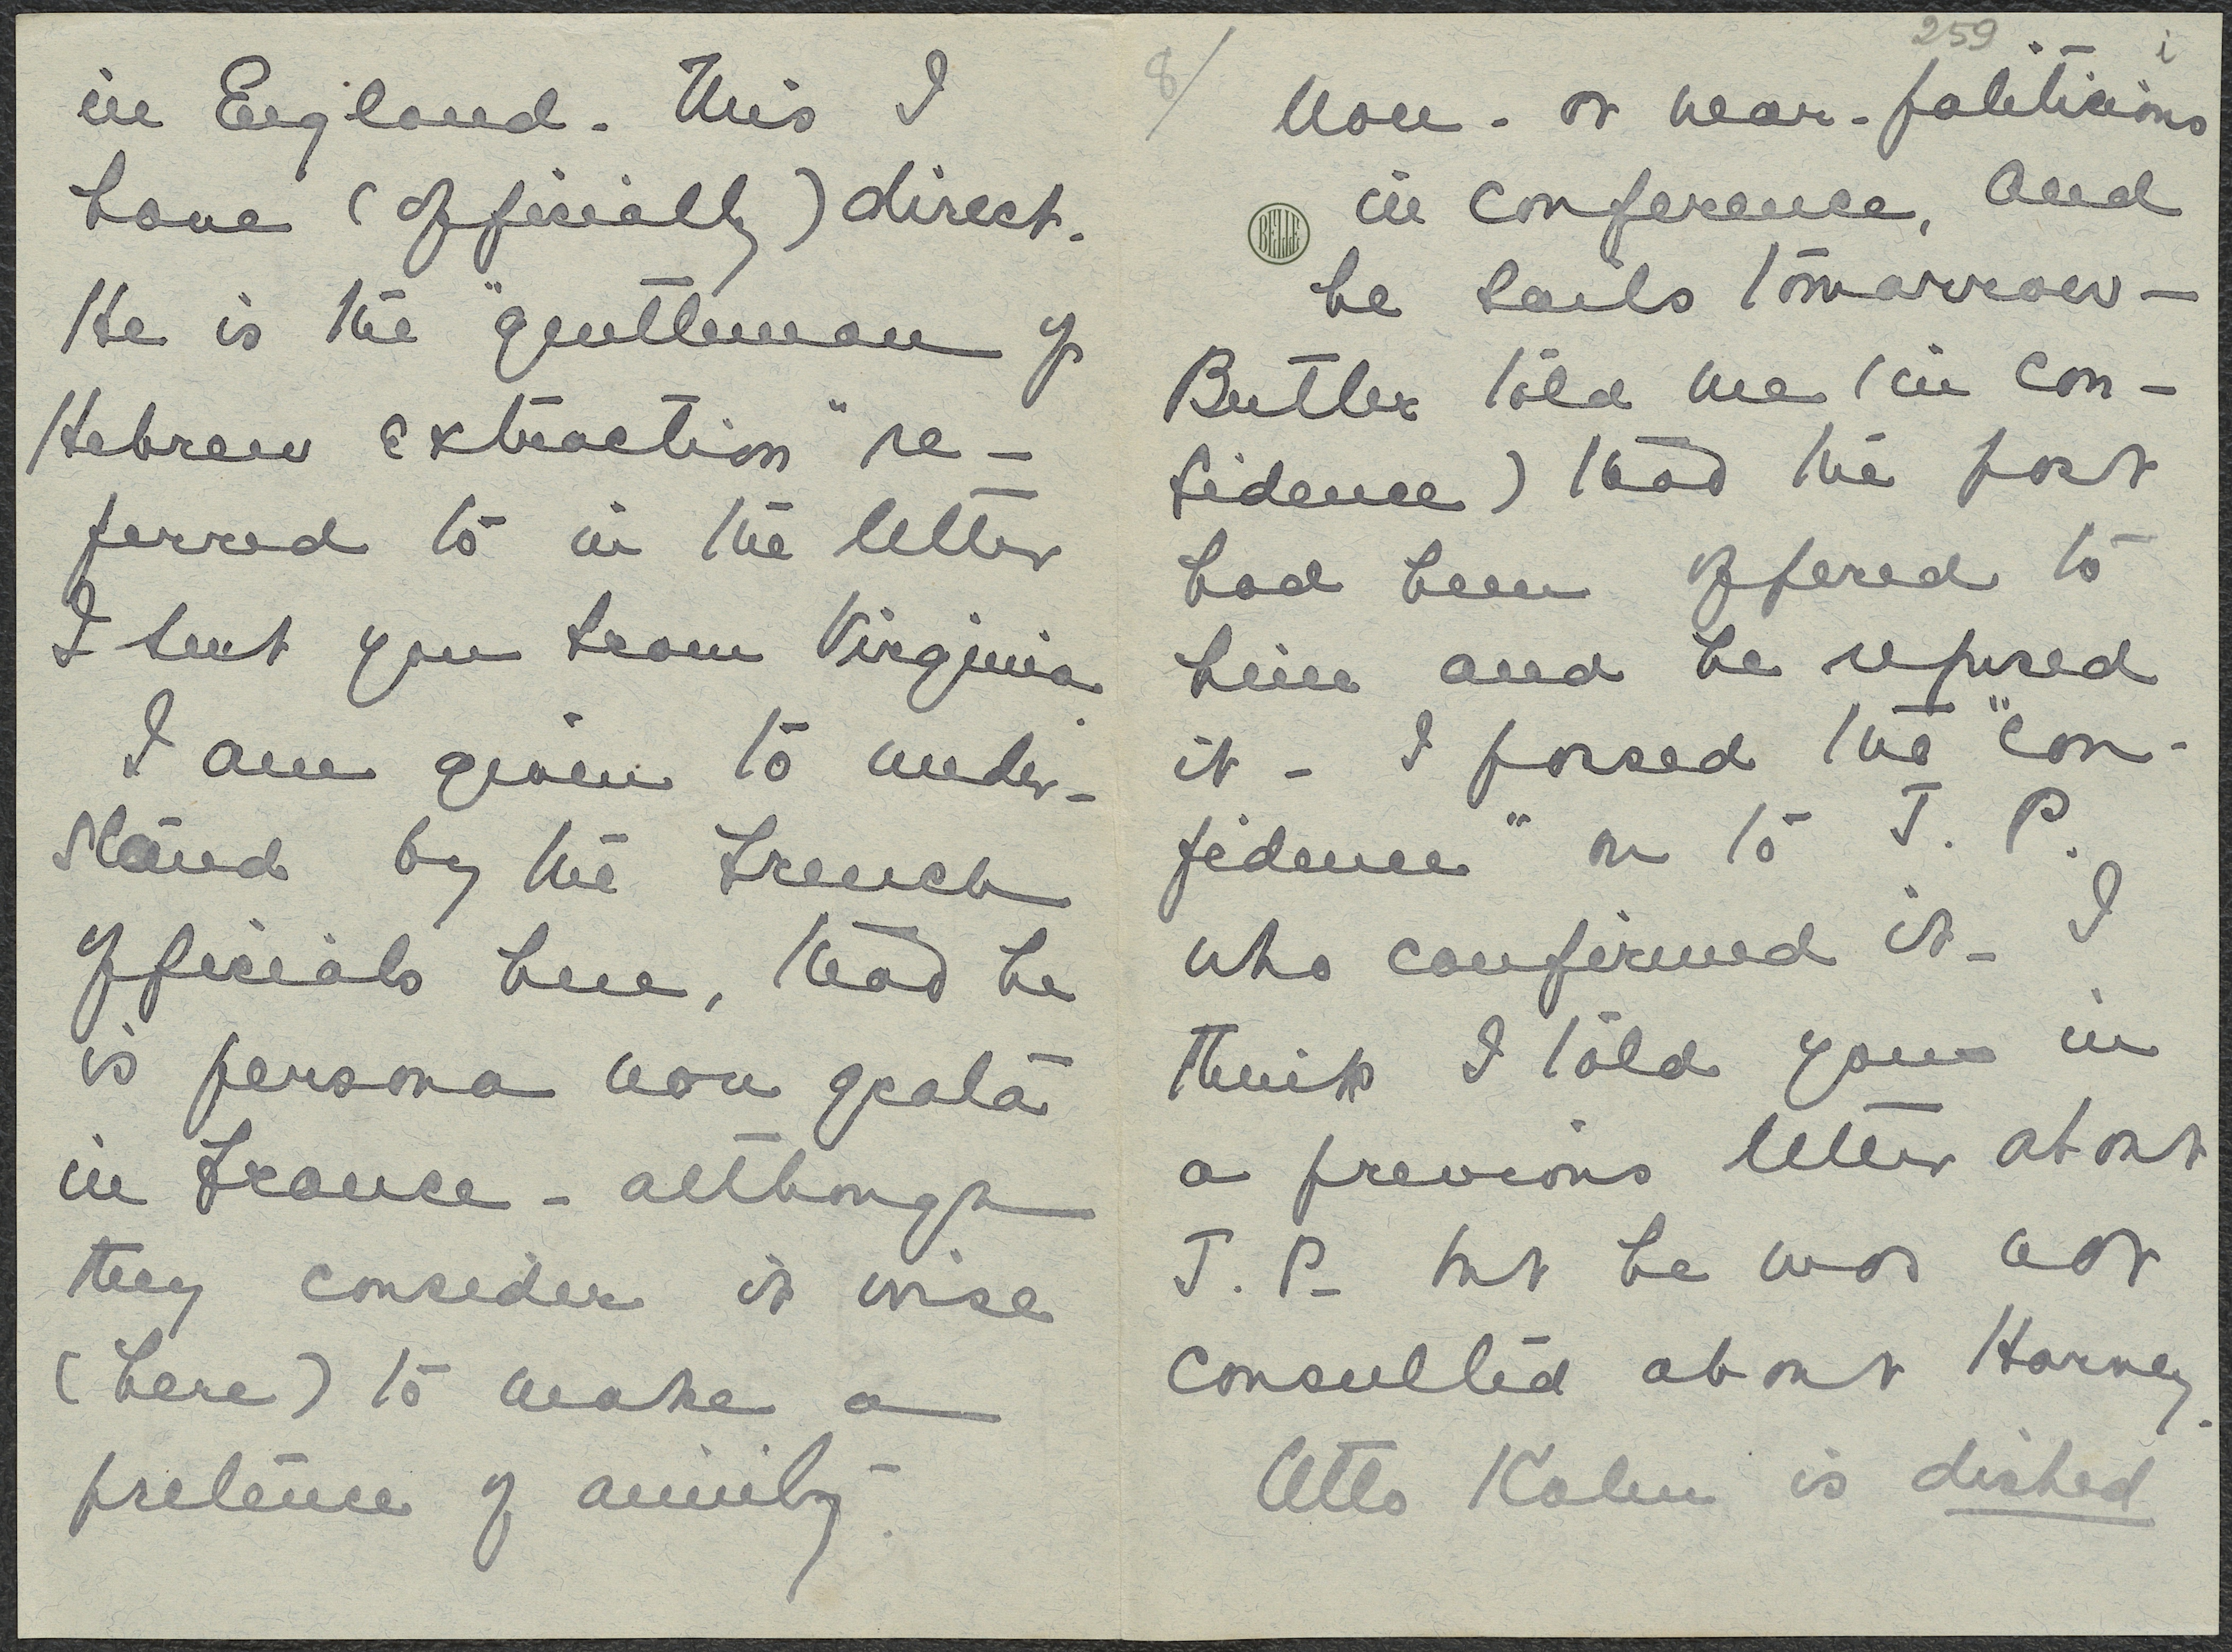8/
non- or near-politicians in conference, and he sails tomorrow – Butler told me (in confidence) that the post had been offered to him and he refused it – I passed the “confidence” on to J. P. who confirmed it – I think I told you in a previous letter about J.P. but he was not consulted about Harvey.
Otto Kahn is dished
in England – This I have (officially) direct. He is the “gentleman of Hebrew extraction” referred to in the letter I sent you from Virginia
I am given to understand by the French officials here, that he is persona non grata in France – although they consider it wise (here) to make a pretense of amity